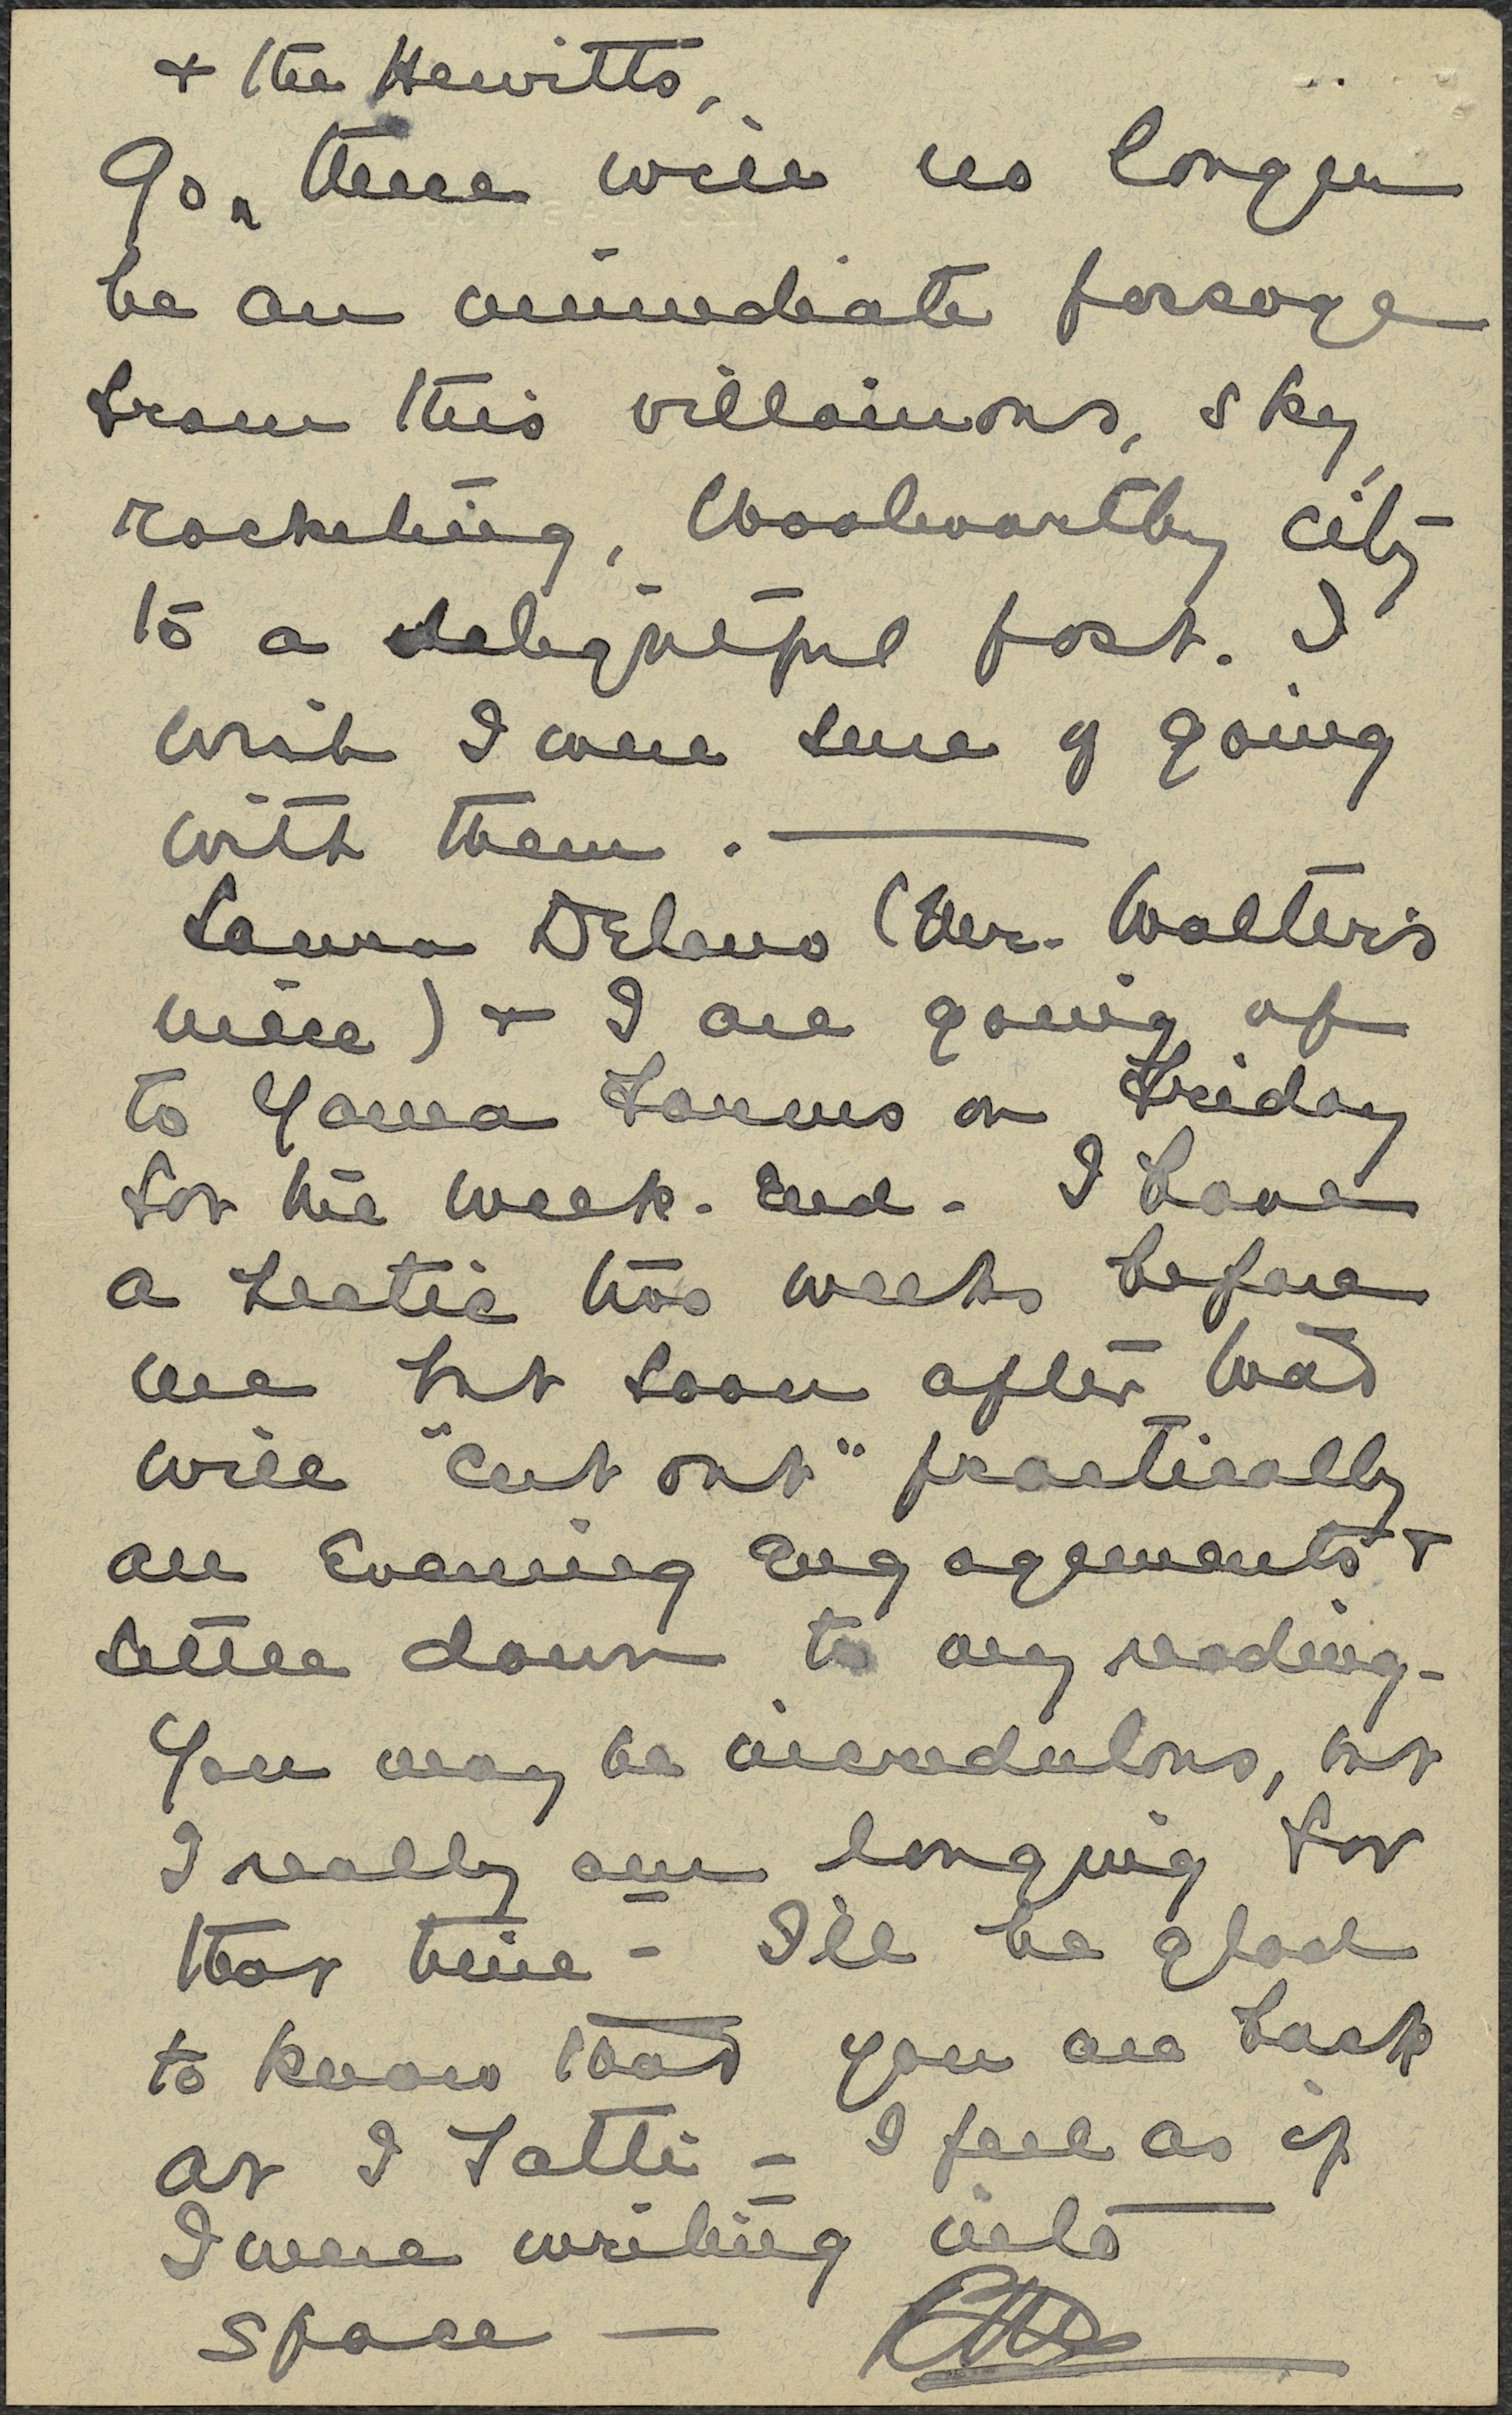[^& the Hewitts^] go there will no longer be an immediate passage from this villainous, sky rocketing, woolworthy city to a delightful past. I wish I were sure of going with them. –
Sauna Delano (Mr. Walter's neice) & I are going up to Yama Farms on Friday for the week-end – I have a hectic two weeks before me but soon after that will "cut out" practically all evening engagements & settle down to my reading –
You may be incredulous, but I really am longing for that time – I'll be glad to know that you are back at I Tatti – I feel as if I were writing into space –
Belle